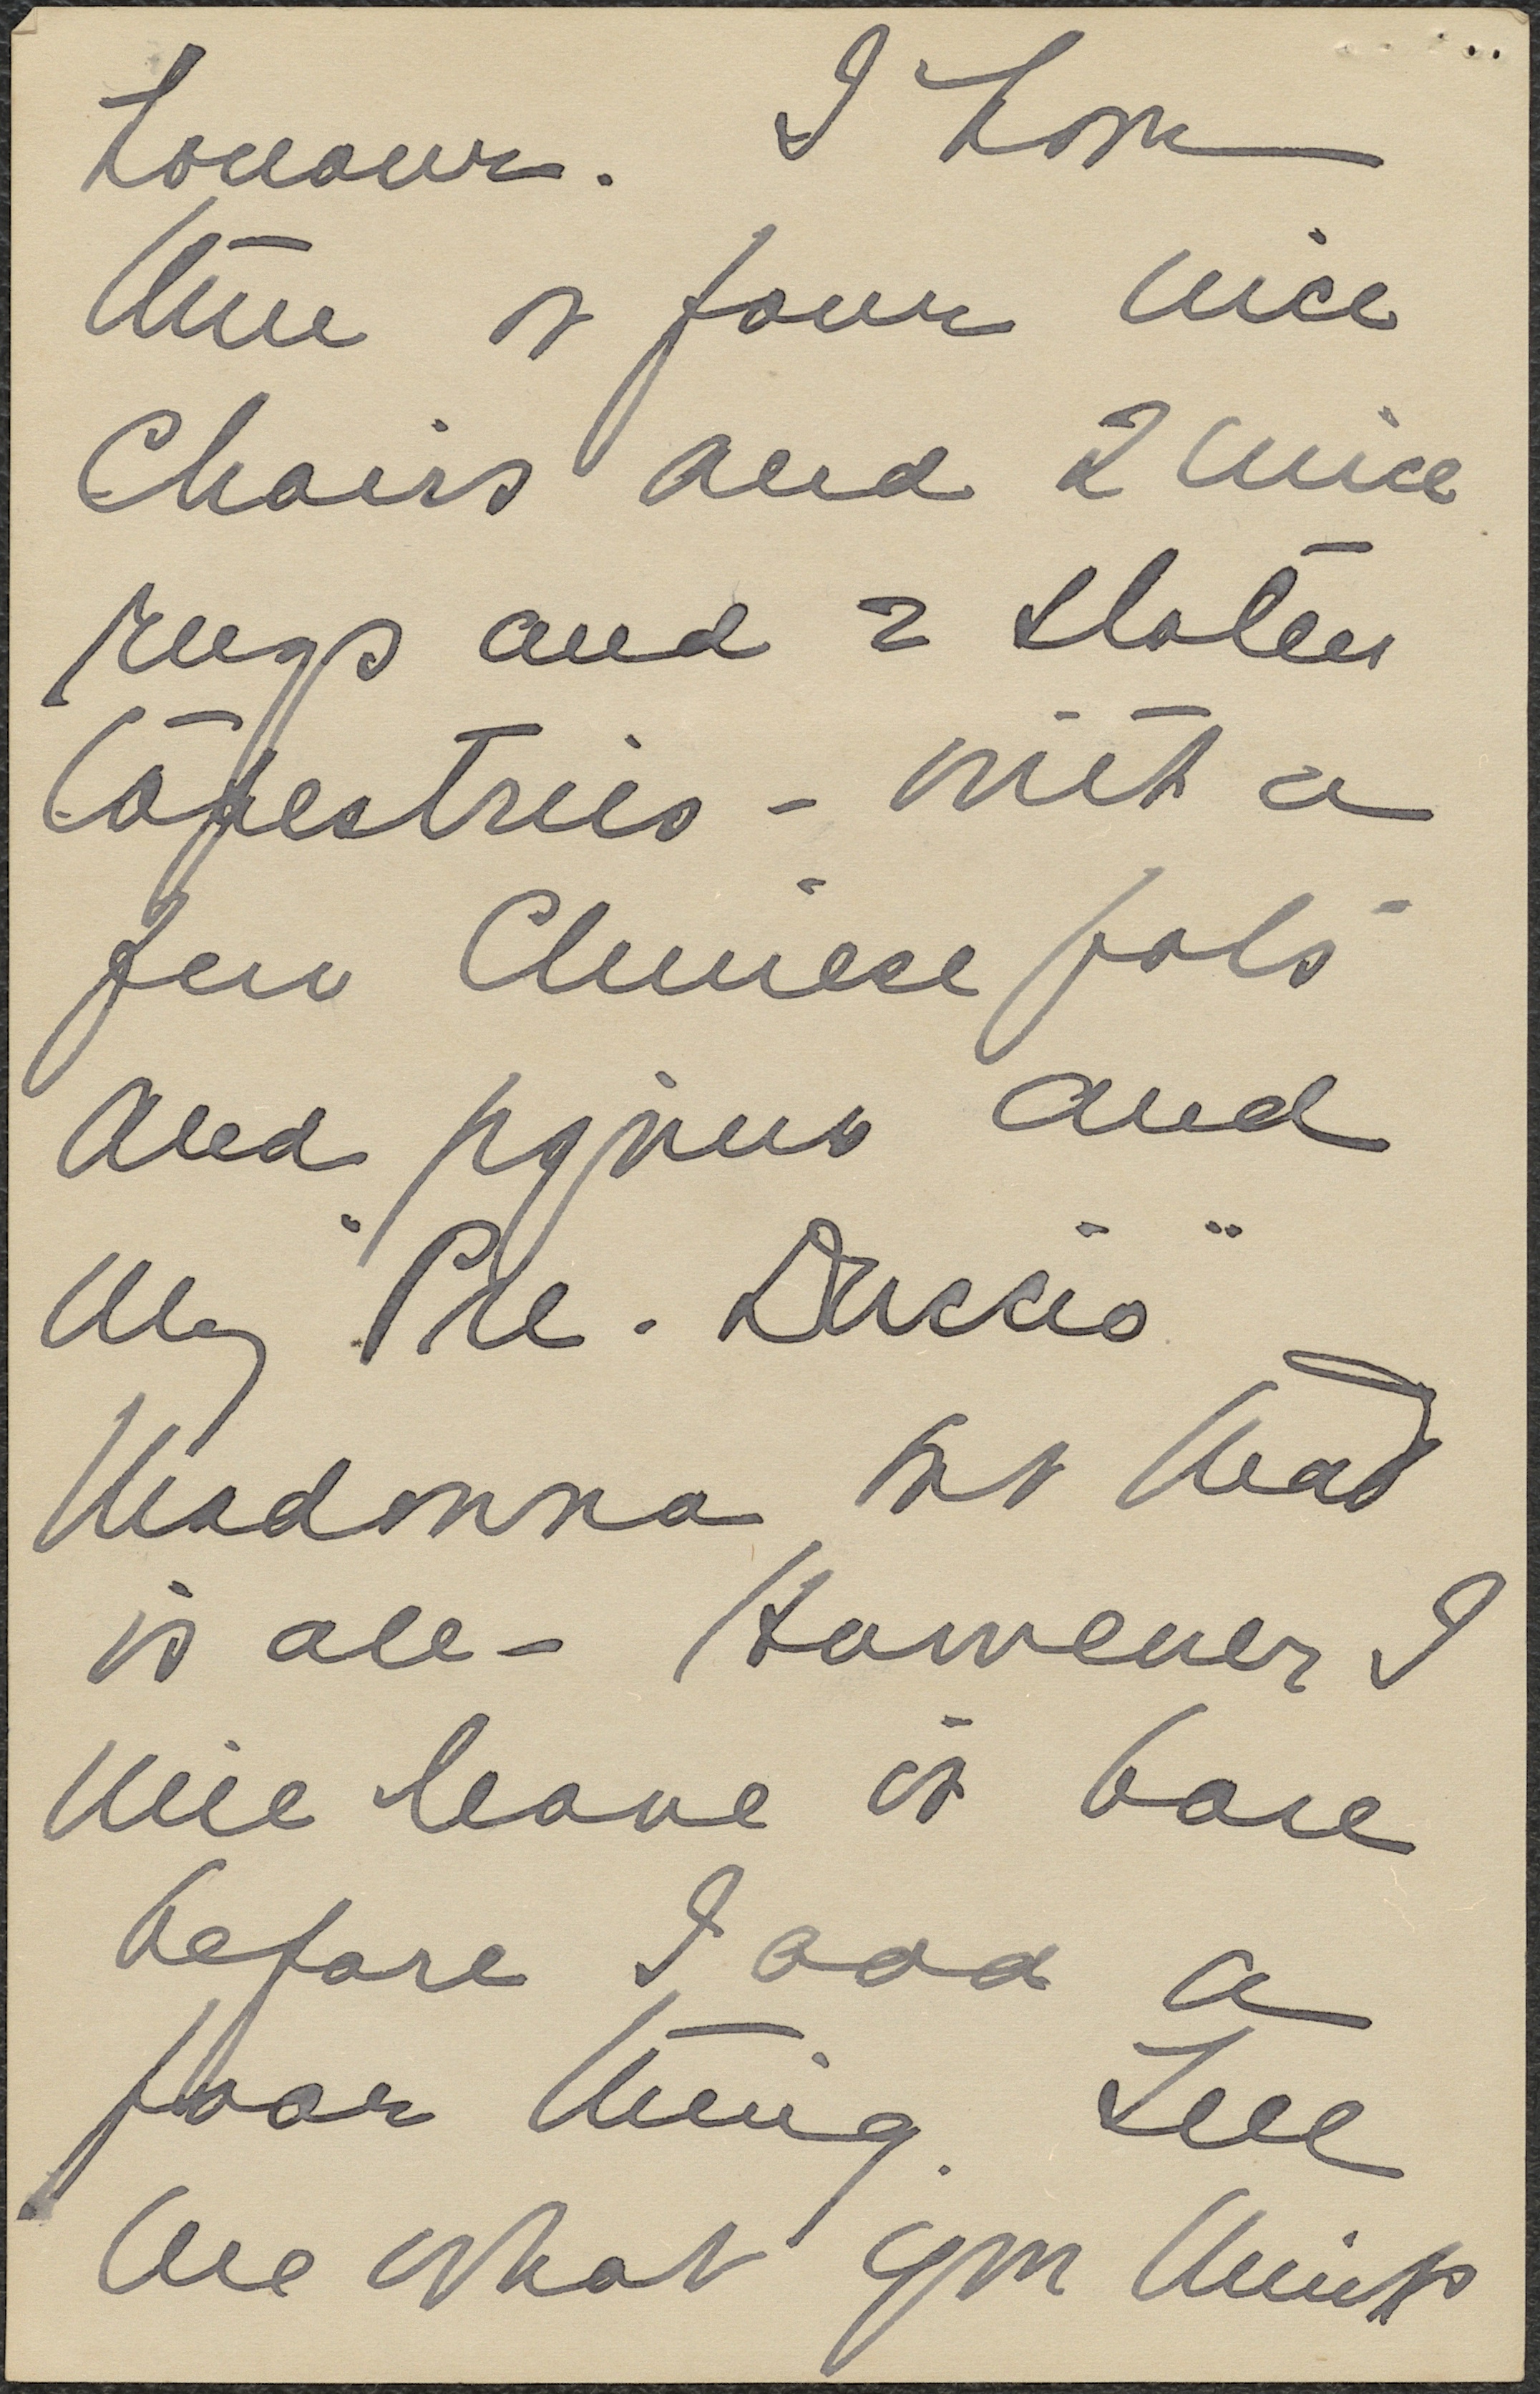honour. I have three or four nice chairs and 2 nice rugs and 2 stolen tapestries – with a few Chinese pots and figures and my “Pre-Duccio” Madonna but that is all – However I will leave it bare before I add a poor thing. Tell me what you think